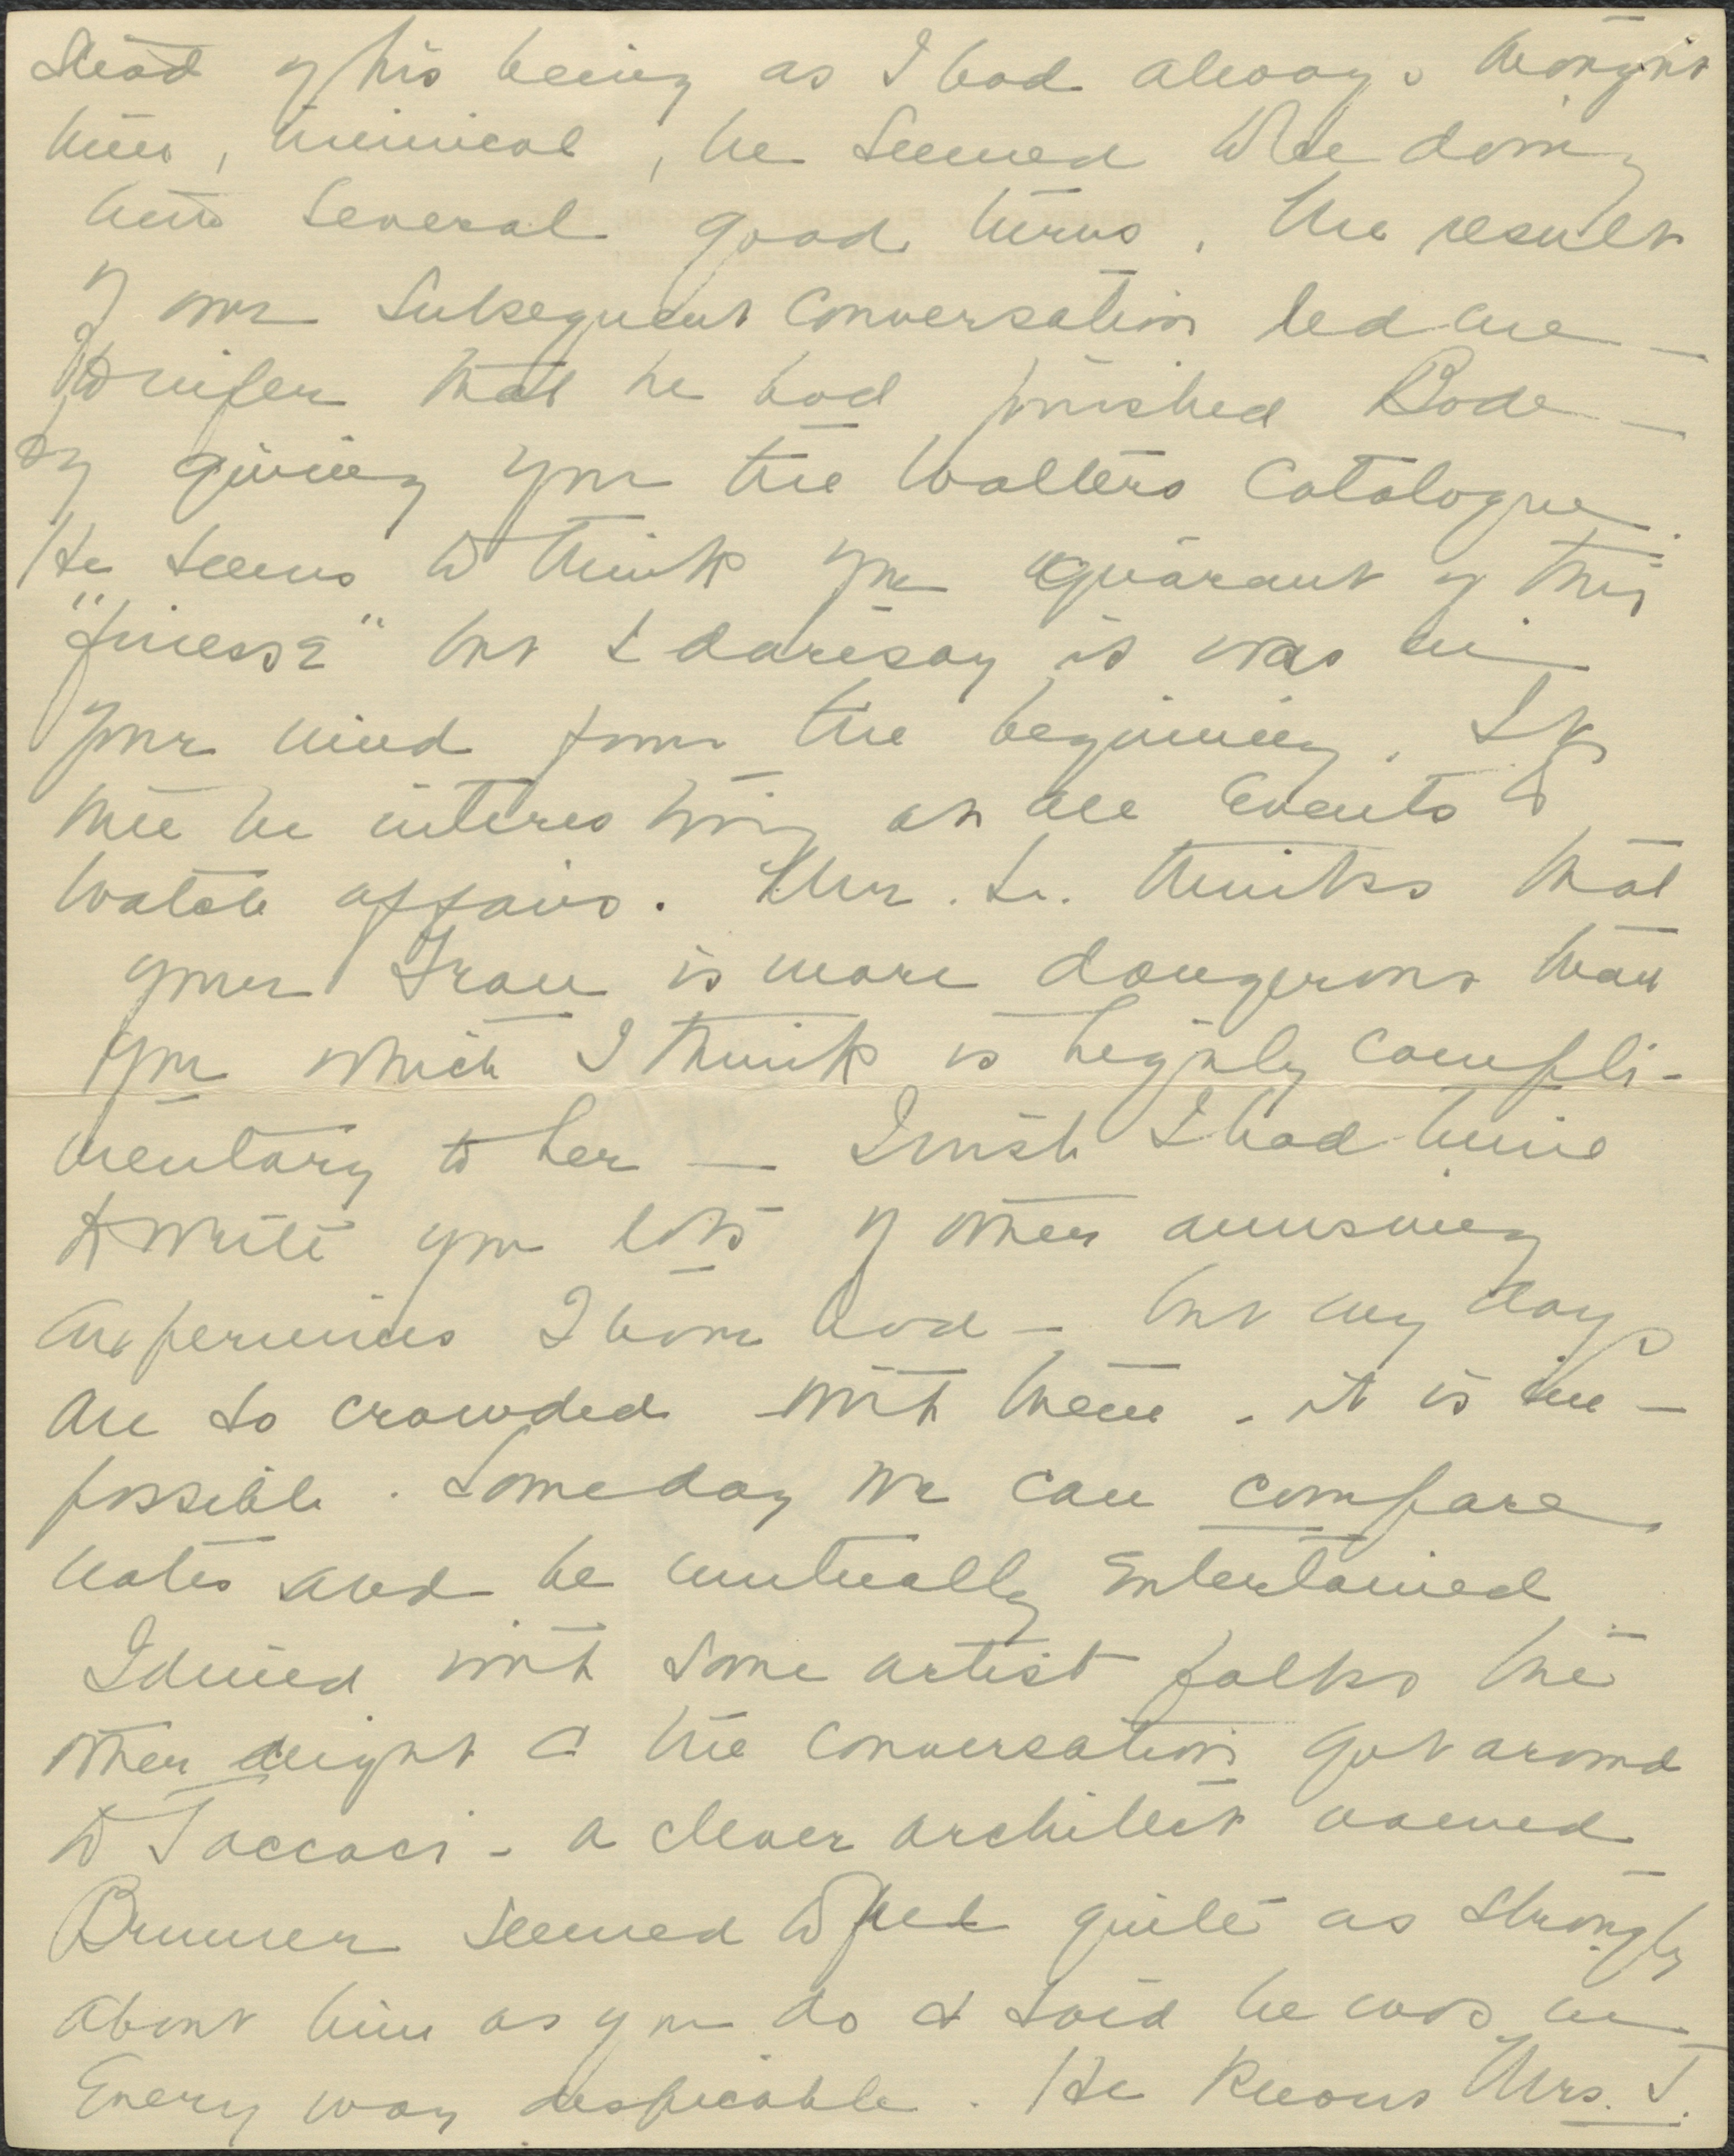instead of his being as I had always thought him, inimical, he seemed to be doing him several good turns, the result of our subsequent conversation led me to infer that he had finished Bode by giving you the Walters Catalogue. He seems to think you quarant [sic] of this “finesse” but I daresay it was in your mind from the beginning. It will be interesting in all events to watch affairs. Mr. S. thinks that your Frau is more dangerous than you which I think is highly complimentary to her – I wish I had time to write you lots of other amusing experiences I have had – but my days are so crowded with them, it is impossible. Someday we can compare notes and be mutually entertained. I dined with some artist folks the other night & the conversation got around to Jaccaci – a clever architect named Brunner seemed to feel quite as strongly about him as you do & said he was in every way despicable. He knows Mrs. J.